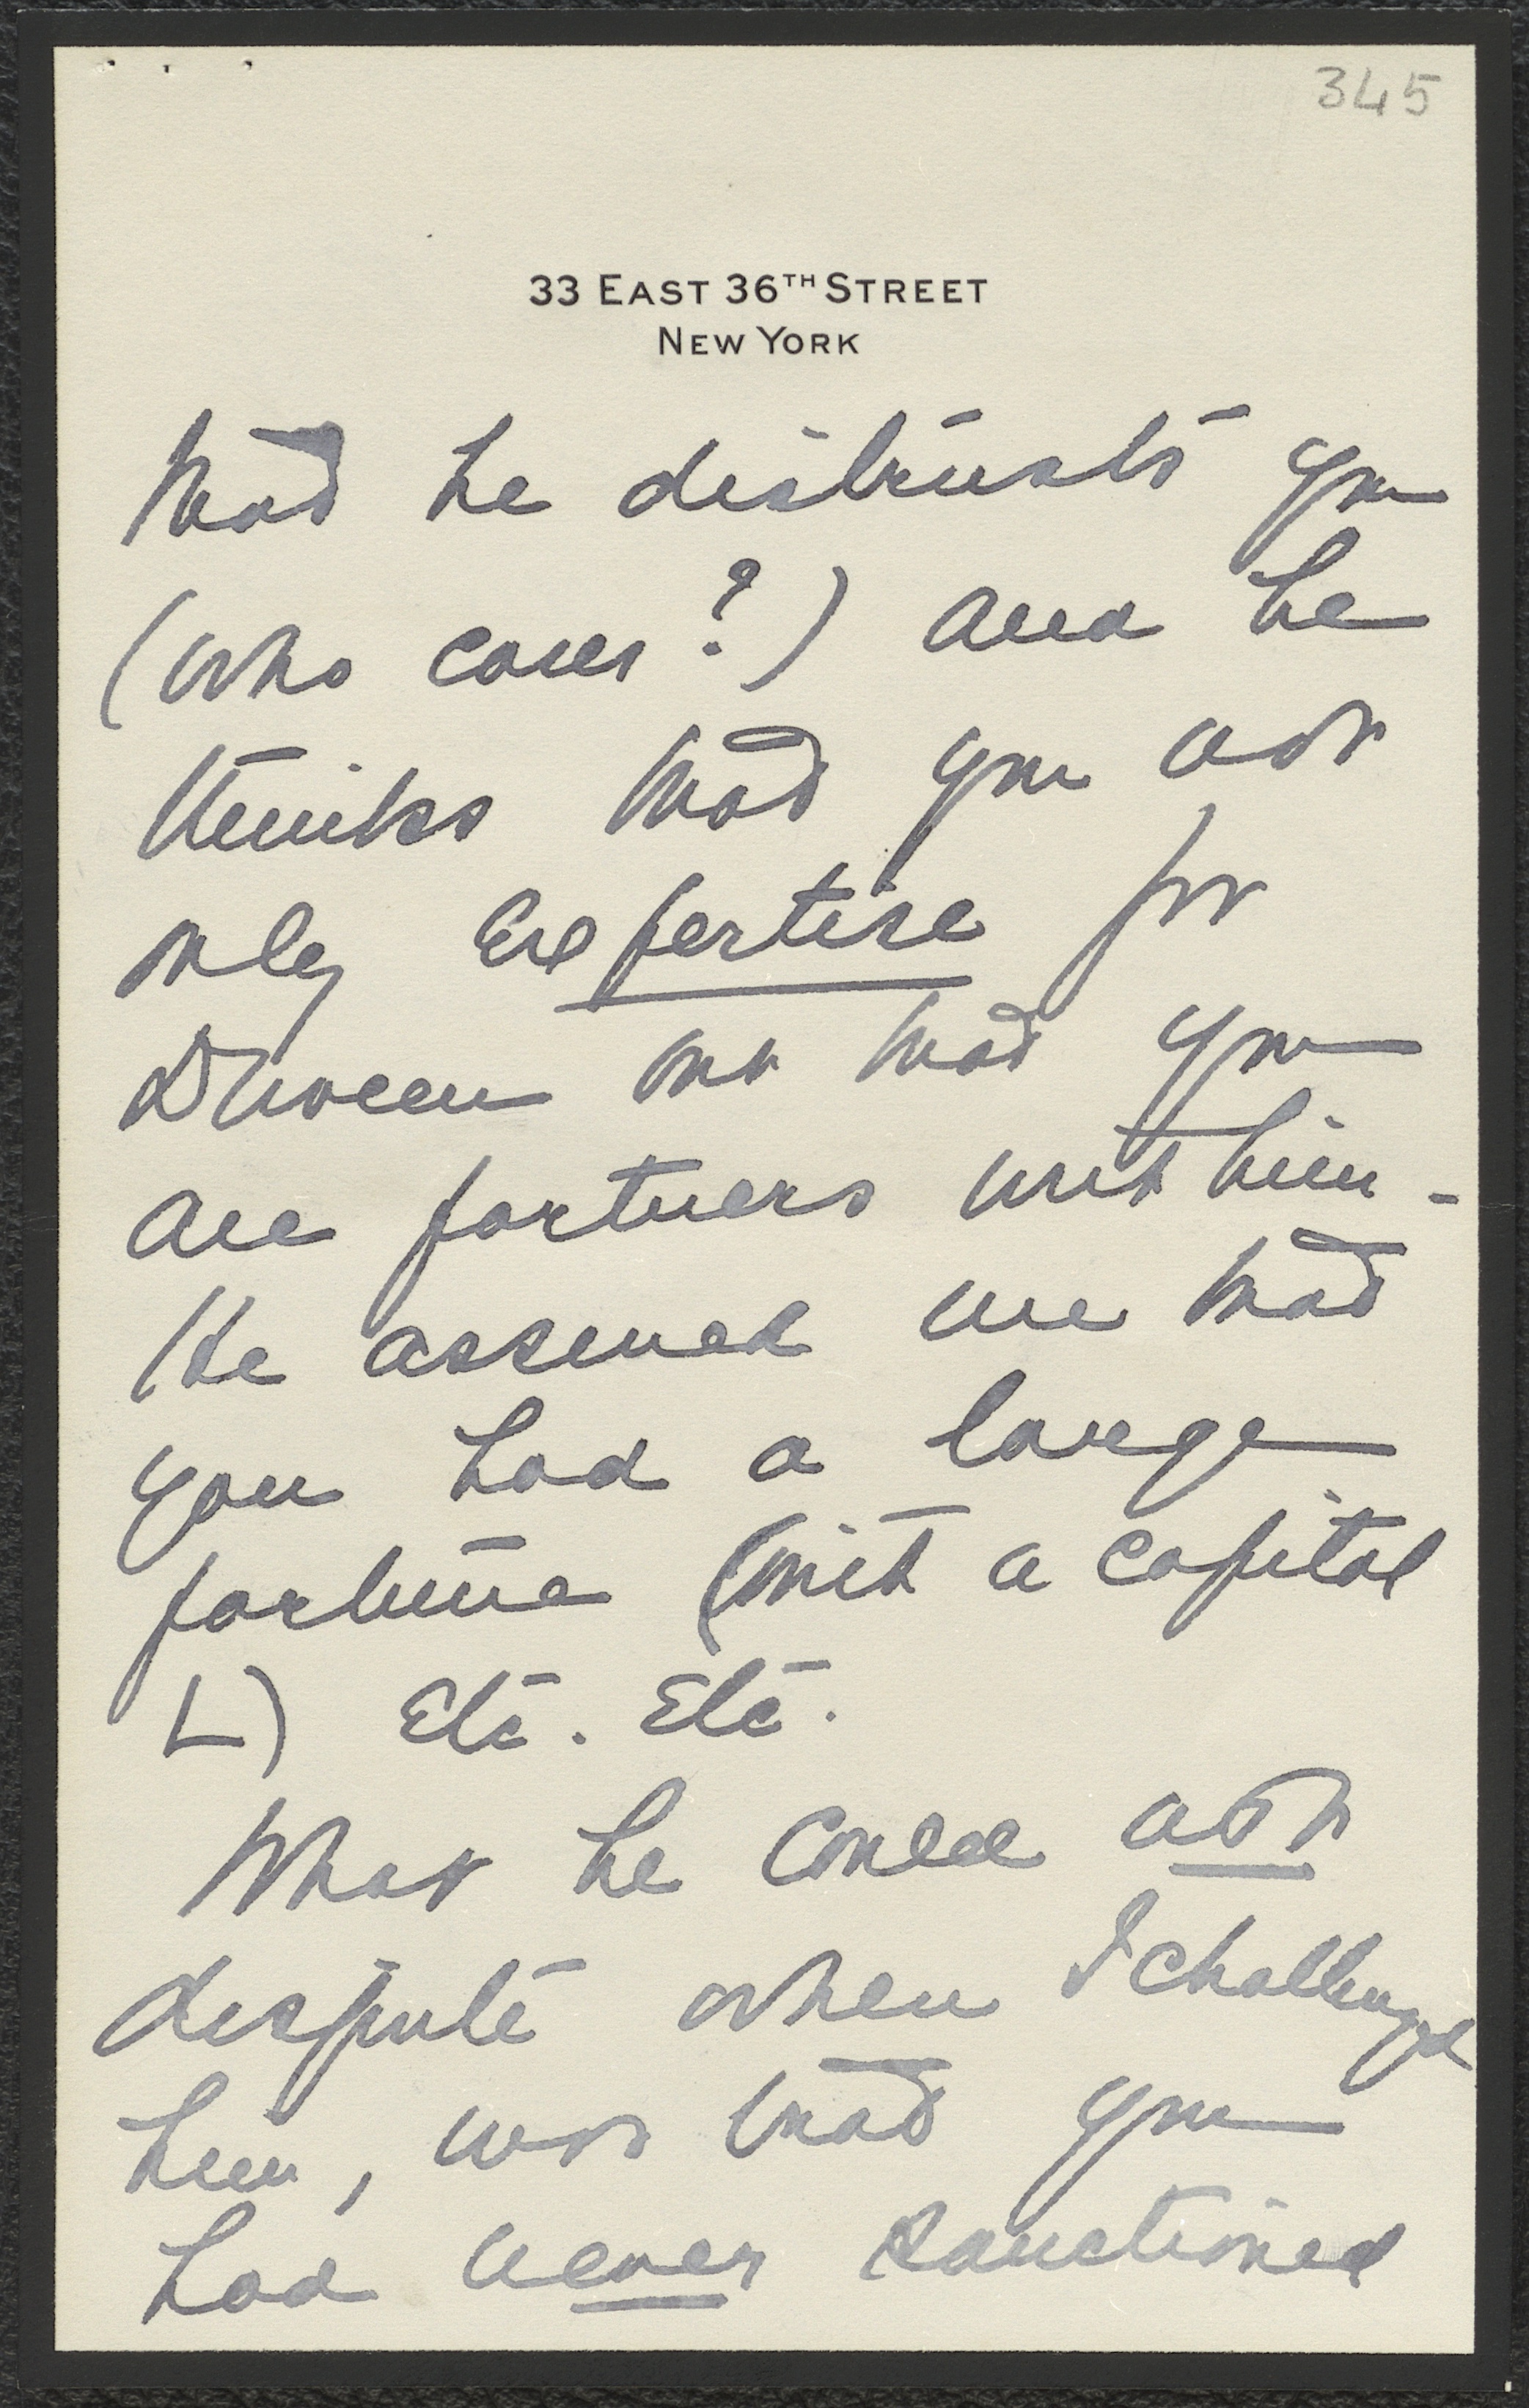that he distrusts you (who cares?) and he thinks that you not only expertise for Duveen but that you are partners with him – He assured me that you had a large fortune (with a capital L) etc. etc.
What he could not dispute when I challenged him, was that you had never sanctioned